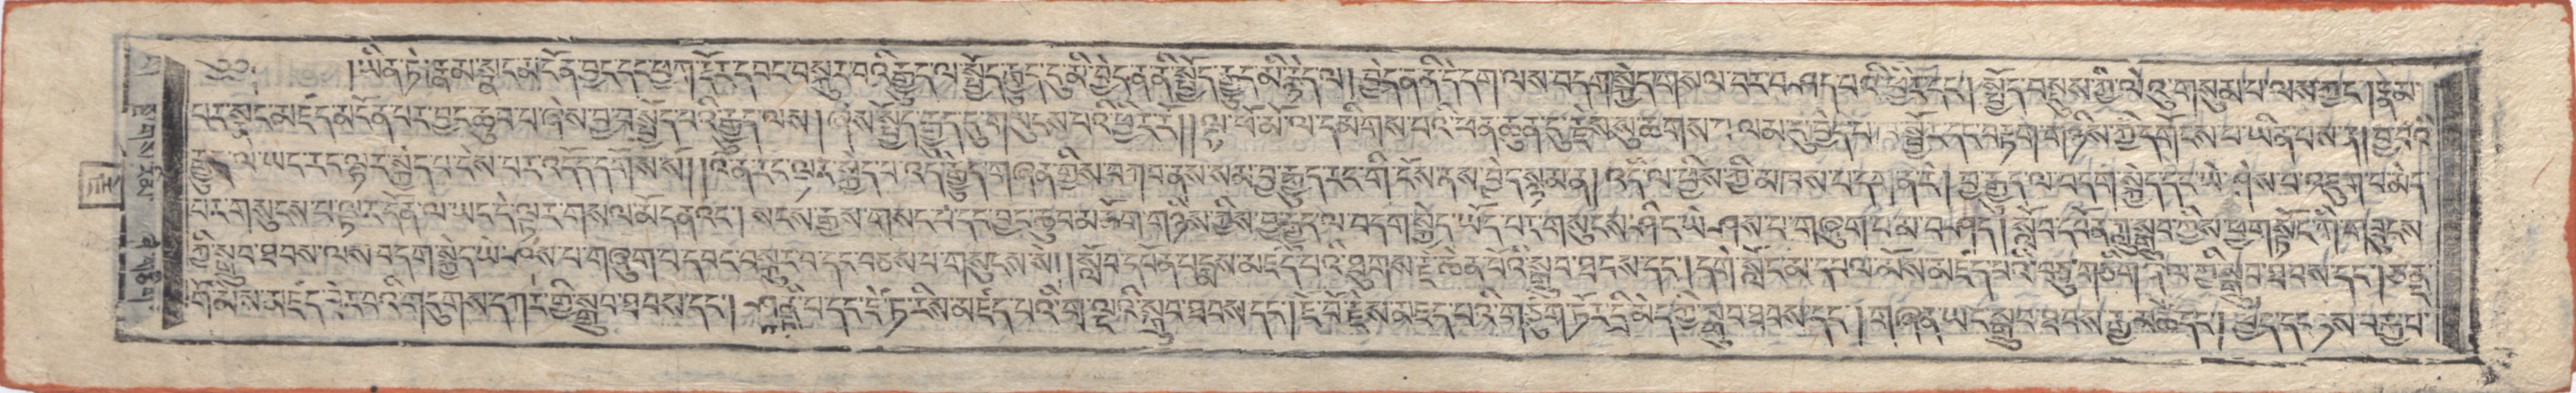༄༅། །ཡིན་ཏེ། རྣམ་སྣང་མངོན་བྱང་དང་ཕྱག་རྡོར་དབང་བསྐུར་བའི་རྒྱུད་ལ་སྤྱོད་རྒྱུད་དུ་མི་བྱེད་ན་ནི་སྤྱོད་རྒྱུད་མི་རྙེད་ལ། བྱེད་ན་ནི་དེ་དག་ལས་བདག་སྐྱེད་གསལ་བར་བཤད་པའི་ཕྱིར་དང་། སྤྱོད་བསྡུས་ཀྱི་ལེའུ་གསུམ་པ་ལས་ཀྱང་། རྣམ་
པར་སྣང་མཛད་མངོན་པར་བྱང་ཆུབ་པ་ཞེས་བྱ་བ་སྤྱོད་པའི་རྒྱུད་ལས། ཞེས་སྤྱོད་རྒྱུད་དུ་གསུངས་པའི་ཕྱིར་རོ། །ལྷ་ཕོ་མོ་ལ་དམིགས་པའི་ཕན་ཚུན་དུ་རྗེས་སུ་ཆགས་པ་ལམ་དུ་བྱེད་པ་ཁ་སྦྱོར་དང་བརྟག་གཉིས་ཀྱི་དགོངས་པ་ཡིན་པས་ན། བྱ་བའི་
རྒྱུད་ལ་ཡང་རང་ལྷར་སྐྱེད་པ་ངེས་པར་འདོད་དགོས་སོ། །འོ་ན་རང་ལྟར་སྐྱེད་པ་འདི་རྒྱུད་གཞན་གྱིས་བཀབ་ནས་སམ་བྱ་རྒྱུད་རང་གི་ངོས་ནས་བྱེད་སྙམ་ན། འདི་ལ་ཕྱིས་ཀྱི་མཁས་པ་དག་ན་རེ། བྱ་རྒྱུད་ལ་བདག་སྐྱེད་དང་ཡེ་ཤེས་པ་འཇུག་པ་མེད་
པར་གསུངས་པ་ལྟར་དོན་ལ་ཡང་དེ་ལྟར་གསལ་མོད་ནའང་། སངས་རྒྱས་གསང་བ་དང་བྱང་ཆུབ་མཆོག་གཉིས་ཀྱིས་བྱ་རྒྱུད་ལ་བདག་སྐྱེད་ཡོད་པར་གསུངས་ཤིང་ཡེ་ཤེས་པ་གཞུག་པ་མ་བཤད། སློབ་དཔོན་ཀླུ་སྒྲུབ་ཀྱིས་ཕྱག་སྟོང་གི་གཟུངས་
ཀྱི་སྒྲུབ་ཐབས་ལས་བདག་སྐྱེད་ཡེ་ཤེས་པ་གཞུག་པ་དབང་བསྐུར་བ་དང་བཅས་པ་གསུངས་སོ། །སློབ་དཔོན་པདམས་མཛད་པའི་ཐུགས་རྗེ་ཆེན་པོའི་སྒྲུབ་ཐབས་དང་། དགེ་སློང་མ་དཔལ་མོས་མཛད་པའི་བཅུ་གཅིག་ཞལ་གྱི་སྒྲུབ་ཐབས་དང་། ཙནྡ་
གོ་མིས་མཛད་ཟེར་བའི་གདུགས་དཀར་གྱི་སྒྲུབ་ཐབས་དང་། ཤཱནྟི་པ་དང་ཛེ་ཏ་རིས་མཛད་པའི་གྲ་ལྔའི་སྒྲུབ་ཐབས་དང་། ཇོ་བོ་རྗེས་མཛད་པའི་གཙུག་ཏོར་དྲི་མེད་ཀྱི་སྒྲུབ་ཐབས་དང་། གཞན་ཡང་སྒྲུབ་ཐབས་རྒྱ་མཚོ་དང་། ཕྱེད་དང་ཉེས་བརྒྱ་པ་